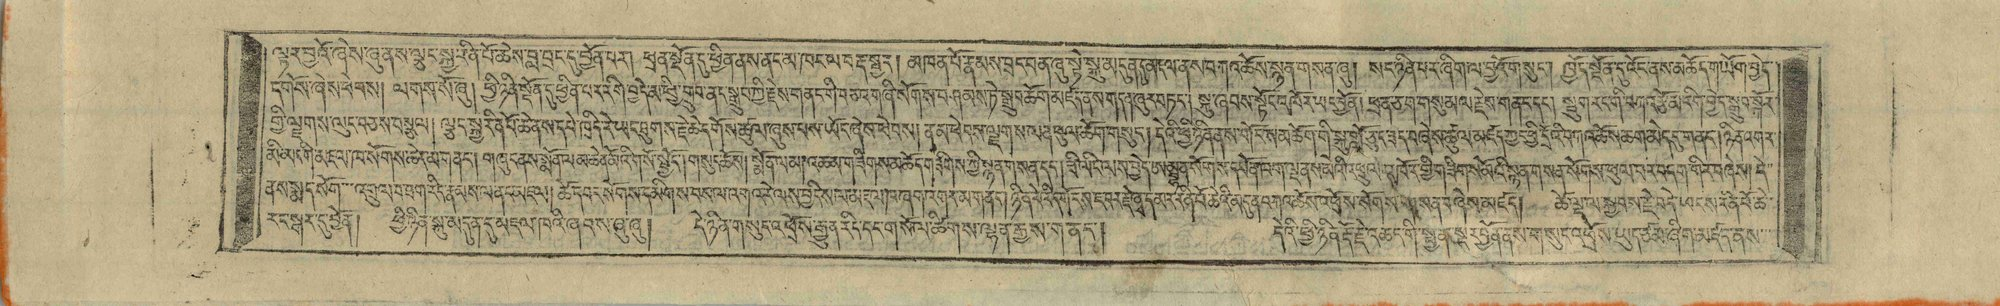ལྟར་བྱའོ་ཞེས་ཞུ་ནས་ལྕང་སྐྱ་རིན་པོ་ཆེས་བླ་བྲང་དུ་བྱོན་པར། ཕྲན་སྔོན་དུ་ཕྱིན་ནས་ནང་མ་ཁང་ལ་བརྡ་སྦྱར། མཁན་པོ་རྣམས་བྲང་བན་ཞུ་སྟེ་སྐུ་མདུན་དུ་མཇལ་ནས་བཀའ་ཆོས་སྙན་གསན་ཞུ། སང་ཉིན་པར་ཞིག་ལ་བྱའོ་གསུང་། ཁྱོད་སྔོན་དུ་འོང་ནས་མཆོད་གཡོག་བྱེད་
དགོས་ཞེས་ཕེབས། ལགས་སོ་ཞུ། ཕྱི་ཉིན་སྔོན་དུ་ཕྱིན་པར་རིག་བྱེད་མ་ཕྱི་གྲུབ་ནང་སྒྲུབ་ཀྱི་རྗེས་གནང་གི་བཅའ་གཞི་སོགས་བཤམས་ཏེ་སྒྲུབ་ཆོག་མཛད་ནས་གདན་ཞུར་བཏང་། སྐུ་ཞབས་སྟོང་འཁོར་ཡང་བྱོན། ཕྲན་ཅག་གསུམ་ལ་རྗེས་གནང་དང་། སྦུག་རང་གི་བཀའ་རྩོམ་རིག་བྱེད་སྒྲུབ་སྐོར་
གྱི་ལྗགས་ལུང་བཅས་བསྩལ། ལྕང་སྐྱ་རིན་པོ་ཆེ་ནས་དཔེ་ཁྲིད་རེ་ཡང་ཐུགས་རྗེ་ཆེ་དགོས་ཚུལ་ཞུས་པས་ཡོང་ཞེས་ཕེབས། ནམ་ཕེབས་ལྗགས་ལན་ཕུལ་ཆོག་གསུང་། དེའི་ཕྱི་ཉིན་ནས་གོང་ས་མཆོག་གི་སྐུ་གློ་ཅུང་ཟད་བཞེས་ཚུལ་མཛད་ཀྱང་ཕྱི་དྲོའི་བཀའ་ཆོས་ཆག་མེད་དུ་གནང་། ཉིན་འགར་
མི་མང་གི་མཇལ་ཁ་སོགས་ཆེར་མ་གནང་། གཞུང་ནས་སྨོན་ལམ་ཆེན་མོའི་གསོ་སྦྱོང་། གསུང་ཆོས། སྨོན་ལམ། འཆམ་གཟིགས་མཆོད་གཟིགས་ཀྱི་སྙན་གསན་དང་། ཟི་ལིང་ལས་བྱེད་ཨམྦྷན་སོགས་དཔོན་ཁག་ལྡན་ས་མེའི་འཕྲུལ་འཁོར་གྱི་གཟིགས་མོའི་སྙན་གསན་སོགས་ཕུལ་བར་བདག་གིར་བཞེས། དེ་
ནས་སྨད་སོག་འགྲུལ་བ་ཐག་རིང་རྣམས་ལ་ནང་མཇལ། ཚེ་དབང་སོགས་དམིགས་བསལ་འགའ་རེ་ལས་བྱིངས་ལ་མཇལ་ཁ་ཞག་འགར་མ་གནང་། ཉིན་རེའི་དགོངས་ཇ་བར་རྗེ་ཞྭ་དམར་རིན་པོ་ཆེའི་མདུན་བཀའ་ཆོས་འཕྲོས་སོགས་གསན་བཞེས་མཛད། ཚེ་ལྔ་ལ་སྐྱབས་རྗེ་བདེ་ཡངས་རིན་པོ་ཆེ་
རང་སྒར་དུ་བྱོན། ཕྱི་ཉིན་སྐུ་མདུན་དུ་མཇལ་ཁའི་ཞབས་ཞུ་ཞུ། དེ་ཉིན་གསུང་འཕྲོས་རྒྱུན་རིང་དང་གསོལ་ཚིགས་ལྷན་རྒྱས་གནང་། དེའི་ཕྱི་ཉིན་རྡོ་རྗེ་འཆང་གི་སྤྱན་སྔར་བྱོན་ནས་གསུང་འཕྲོས་ཡུད་ཙམ་ཞིག་མཛད་ནས་